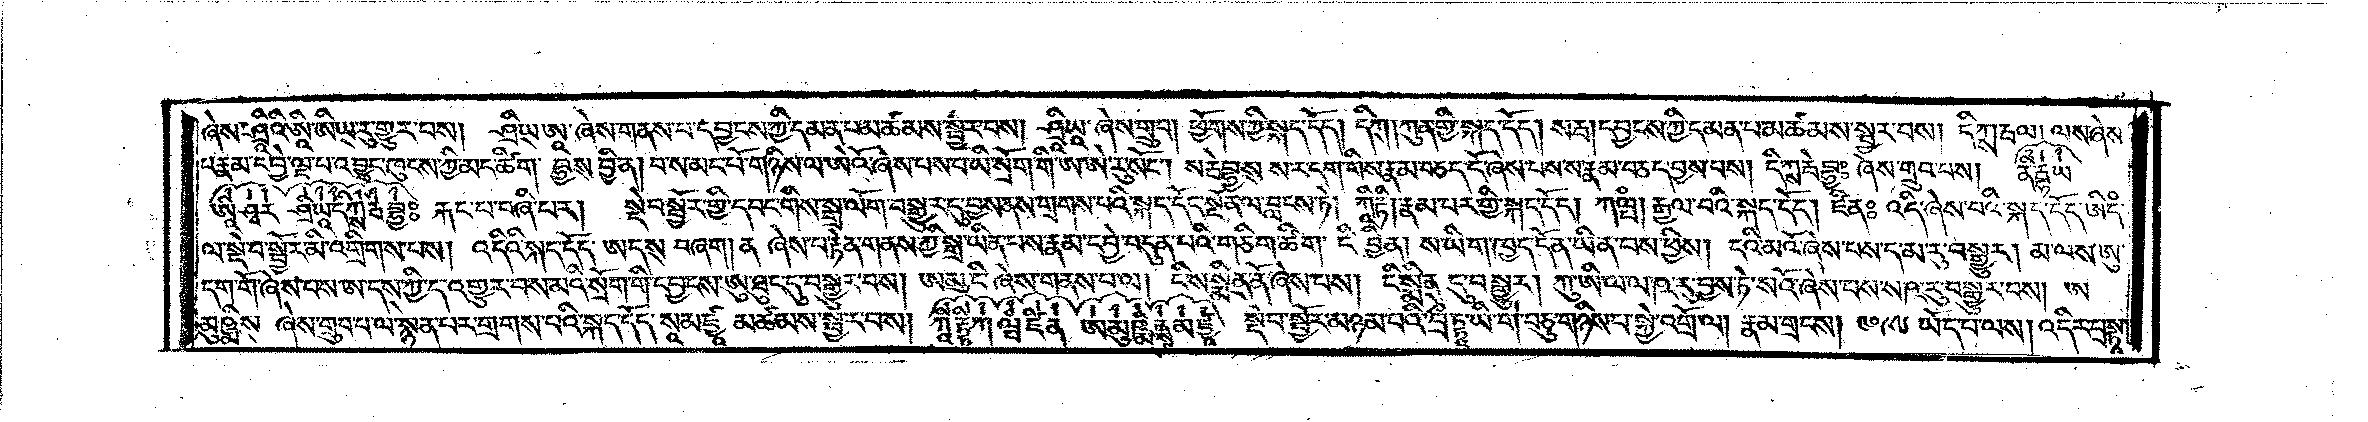ཞེས་ཤྲཱིའི་ཨཱི་ཨི་ཡ་རུ་གྱུར་པས། ཤྲཱི་ཡ་ཨཱ་ཞེས་གནས་པ་དབྱངས་ཀྱི་དམན་པ་མཚམས་སྦྱར་བས། ཤྲཱི་ཡཱ་ཞེས་གྲུབ། ཕྱོགས་ཀྱི་སྐད་དོད། དིཀ། ཀུན་གྱི་སྐད་དོད། སརྦ། དབྱངས་ཀྱི་དམན་པ་མཚམས་སྦྱར་བས། དཀིས་རྦལ། ལས་ཞེས་
པ་རྣམ་དབྱེ་ལྔ་པ་འབྱུང་ཁུངས་ཀྱི་མང་ཚིག། བྷྱས་བྱིན། བ་ས་མང་པོ་གཉིས་ལ་ཨེའོ་ཞེས་པས་བ་ཡི་སྲོག་གི་ཨ་ཡེ་རུ་སོང་། སརྦེབྷྱས་སར་དག་གིས་རྣམ་བཅད་དོ་ཞེས་པས་ས་རྣམ་བཅད་བྱས་པས། དིཀྶྲྦེབྷྱཿ ཞེས་གྲུབ་པས། ནརྦྷ་ཡ་
ཨཱི་ཤྭར་ཤྲིཡཱདིཀྶྲྦབྷྱཿ རྐང་པ་བཞི་པར། སྡེབ་སྦྱོར་གྱི་དབང་གིས་སྒྲ་ལོག་བསྒྱུར་དུ་བྱས་ནས་གྲགས་པའི་སྐད་དོད་སྔོན་ལ་བླངས་ཏེ། ཀཱིརྟི། རྣམ་པ་གྱི་སྐད་དོད། ཀཝཾ། རྒྱལ་བའི་སྐད་དོད། ཛིནཿ འདི་ཞེས་བའི་སྐད་དོད་ཨིདཾ་
ལ་སྡེབ་སྦྱོར་མི་འགྲིགས་པས། འདིའི་སྐད་དོད་ཨད་ས་བཞག། ན་ཞེས་བརྟེན་གནས་ཀྱི་སྒྲ་ཡིན་པས་རྣམ་དབྱེ་བདུན་པའི་གཅིག་ཚིག་དེ་བྱིན། ས་ཡིག་ཁྱད་དོན་ཡིན་པས་ཕྱིས། དའི་མའོ་ཞེས་པས་ད་མ་རུ་བསྒྱུར། མ་ལས་ཨུ་
དག་གོ་ཞེས་པས་ཨ་དས་ཀྱི་ད་འགྱུར་བས་མའི་སྲོག་གི་དབྱངས་ཨུ་ཐུང་དུ་བསྒྱུར་པས། ཨམུདི་ཞེས་གནས་བ་ལ། དེས་སྨིན་ནོ་ཞེས་པས། དི་སྨིན་དུ་བསྒྱུར། ཀུ་ཨི་ལ་ལ་ཥུ་རུ་བྱས་ཏེ་སའོ་ཞེས་པས་ས་ཥ་རུ་བསྒྱུར་བས། ཨ་
མུཥྨིས་ཞེས་གྲུབ་བ་ལ་སྙེན་པར་གྲགས་བའི་སྐད་དོད་སཱ་མཛྙཱ་མཚམས་སྦྱར་བས། ཀཱིརྠིཀྭཛིན་ཨ་མུ་ཥྨནྶམཛཱ་སྡེབ་སྦྱོར་མཉམ་བའི་བྲྀ་དྟཱ་ཡི་གེ་བཅུག་ཉིས་པ་སྐྱེ་འགྲོ་ལ། རྣམ་གརནངས། ༩༠༨༧་ཡོད་བ་ལས། འདིར་པྲསྟཱ་